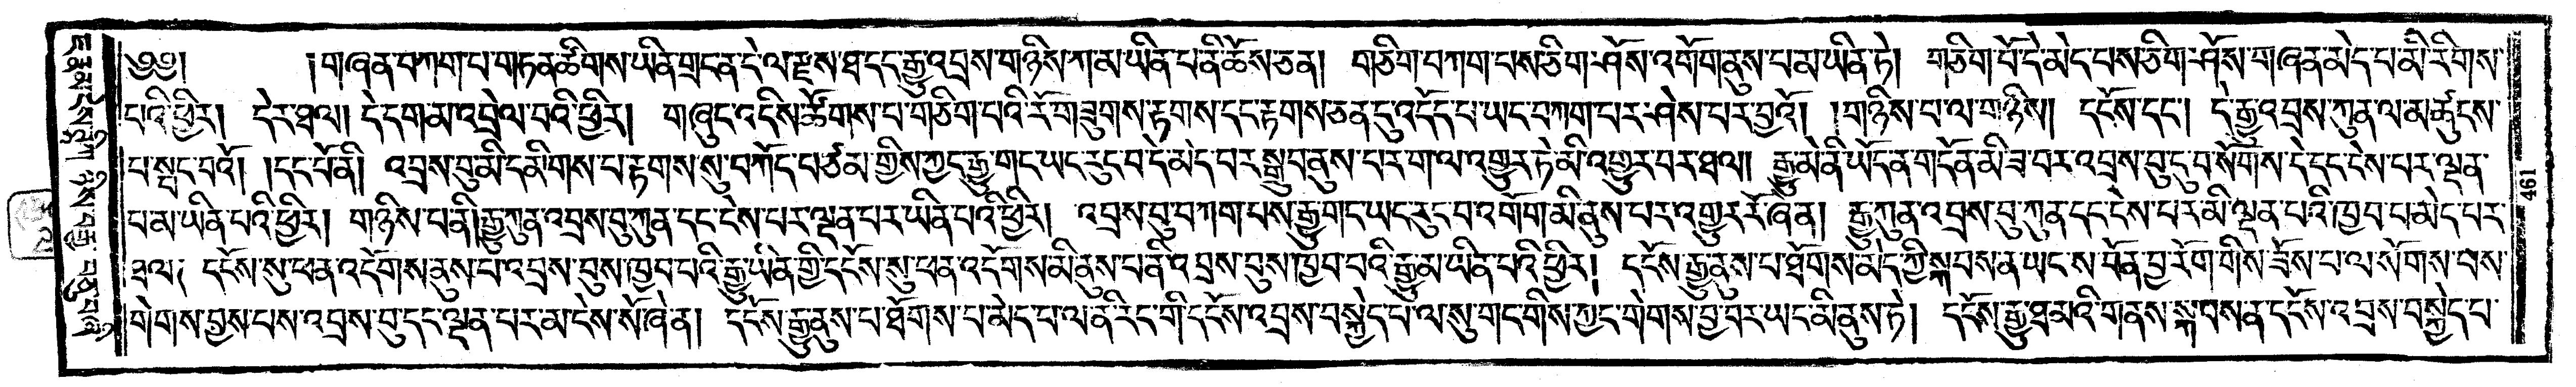༄༅། །གཞན་བཀག་པ་གཏན་ཚིགས་ཡིན་གྲང་ན་དེ་ལ་རྫས་ཐ་དད་རྒྱུ་འབྲས་གཉིས་ཀ་མ་ཡིན་པ་ནི་ཆོས་ཅན། གཅིག་བཀག་པས་ཅིག་ཤོས་འགོག་ནུས་པ་མ་ཡིན་ཏེ། གཅིག་པོ་དེ་མེད་པས་ཅིག་ཤོས་གཞན་མེད་པ་མི་རིགས་
པའི་ཕྱིར། དེར་ཐལ། དེ་དག་མ་འབྲེལ་བའི་ཕྱིར། གཞུང་འདིས་ཚོགས་པ་གཅིག་པའི་རོ་གཟུགས་རྟགས་དང་རྟགས་ཅན་དུ་འདོད་པ་ཡང་བཀག་པར་ཤེས་པར་བྱའོ། །གཉིས་པ་ལ་གཉིས། དངོས་དང་། དེ་རྒྱུ་འབྲས་ཀུན་ལ་མཚུངས་
པ་སྤང་བའོ། །དང་པོ་ནི། འབྲས་བུ་མི་དམིགས་པ་རྟགས་སུ་བཀོད་པ་ཙམ་གྱིས་ཀྱང་རྒྱུ་གང་ཡང་རུང་བ་དེ་མེད་པར་སྒྲུབ་ནུས་པར་ག་ལ་འགྱུར་ཏེ་མི་འགྱུར་བར་ཐལ། རྒྱུ་མེ་ནི་ཡོད་ན་གདོན་མི་ཟ་བར་འབྲས་བུ་དུ་བ་སོགས་དེ་དང་ངེས་པར་ལྡན་
པ་མ་ཡིན་པའི་ཕྱིར། གཉིས་པ་ནི། རྒྱུ་ཀུན་འབྲས་བུ་ཀུན་དང་ངེས་པར་ལྡན་པར་ཡིན་པའི་ཕྱིར། འབྲས་བུ་བཀག་པས་རྒྱུ་གང་ཡང་རུང་བ་འགོག་མི་ནུས་པར་འགྱུར་རོ་ཞེ་ན། རྒྱུ་ཀུན་འབྲས་བུ་ཀུན་དང་ངེས་པར་མི་ལྡན་པའི་ཁྱབ་པ་མེད་པར་
ཐལ། དངོས་སུ་ཕན་འདོགས་ནུས་པ་འབྲས་བུས་ཁྱབ་པའི་རྒྱུ་ཡིན་གྱི་དངོས་སུ་ཕན་འདོགས་མི་ནུས་པ་ནི་འབྲས་བུས་ཁྱབ་པའི་རྒྱུ་མ་ཡིན་པའི་ཕྱིར། དངོས་རྒྱུ་ནུས་པ་ཐོགས་མེད་ཀྱི་སྐབས་ན་ཡང་ས་བོན་བྱ་རོག་གིས་ཟོས་པ་ལ་སོགས་པས་
གེགས་བྱས་པས་འབྲས་བུ་དང་ལྡན་པར་མ་ངེས་སོ་ཞེ་ན། དངོས་རྒྱུ་ནུས་པ་ཐོགས་པ་མེད་པ་ལ་ནི་རང་གི་དངོས་འབྲས་བསྐྱེད་པ་ལ་སུ་གང་གིས་ཀྱང་གེགས་བྱ་བར་ཡང་མི་ནུས་ཏེ། དངོས་རྒྱུ་ཐ་མའི་གནས་སྐབས་ན་དངོས་འབྲས་བསྐྱེད་པ་